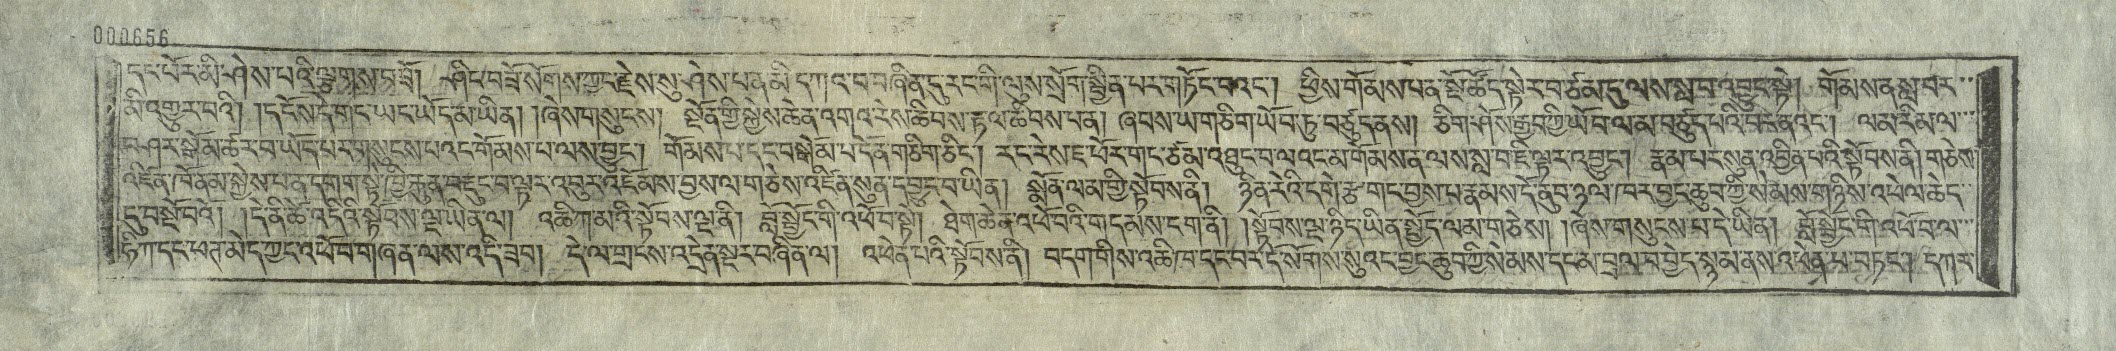དང་པོར་མི་ཤེས་པའི་ལྕགས་བཟོ། ཤིང་བཟོ་སོགས་ཀྱང་རྗེས་སུ་ཤེས་པ་ན་མི་དཀའ་བ་བཞིན་དུ་རང་གི་ལུས་སྲོག་སྦྱིན་པར་གཏོང་བའང་། ཕྱིས་གོམས་པ་ན་སྔོ་ཚོད་སྟེར་བ་ཙམ་དུ་ལས་སླ་བ་འབྱུང་སྟེ། གོམས་ན་སླ་བར་
མི་འགྱུར་བའི། །དངོས་དེ་གང་ཡང་ཡོད་མ་ཡིན། །ཞེས་གསུངས། སྔོན་གྱི་སྐྱེས་ཆེན་འགའ་རེས་ཆིབས་རྟ་ལ་ཆིབས་པ་ན། ཞབས་ཡ་གཅིག་ཡོབ་ཏུ་བཙུད་ནས། ཅིག་ཤོས་རྒྱབ་ཀྱི་ཡོབ་ལ་མ་བཙུད་པའི་བར་ནའང་། ལམ་རིམ་ལ་
བཤར་སྒོམ་ཚར་བ་ཡོད་པར་གསུངས་པའང་གོམས་པ་ལས་བྱུང་། གོམས་པ་དང་བསྒོམ་པ་དོན་གཅིག་ཅིང་། རང་རེས་ཇ་ཕོར་གང་ཙམ་འཐུང་བ་ལའང་མ་གོམས་ན་ལས་སླ་བ་ཇི་ལྟར་འབྱུང་། རྣམ་པར་སུན་འབྱིན་པའི་སྟོབས་ནི། གཅེས་
འཛིན་ཁོ་ན་མ་སྐྱེས་པ་ན་དགག་སྟེ་ཁྱི་རྐུན་བརྡུང་བ་ལྟར་འབུར་འཇོམས་བྱས་ལ་གཅེས་འཛིན་སུན་དབྱུང་བ་ཡིན། སྨོན་ལམ་གྱི་སྟོབས་ནི། ཉིན་རེའི་དགེ་རྩ་གང་བྱས་པ་རྣམས་དོ་ནུབ་ཉལ་ཁར་བྱང་ཆུབ་ཀྱི་སེམས་གཉིས་འཕེལ་ཆེད་
དུ་བསྔོ་བའོ། །དེ་ནི་ཚེ་འདིའི་སྟོབས་ལྔ་ཡིན་ལ། འཆི་ཀ་མའི་སྟོབས་ལྔ་ནི། བློ་སྦྱོང་གི་འཕོ་བ་སྟེ། ཐེག་ཆེན་འཕོ་བའི་གདམས་ངག་ནི། །སྟོབས་ལྔ་ཉིད་ཡིན་སྤྱོད་ལམ་གཅེས། །ཞེས་གསུངས་པ་དེ་ཡིན། བློ་སྦྱོང་གི་འཕོ་བ་ལ་
ཧི་ཀ་དང་ཕཌ་?་མེད་ཀྱང་འཕོ་བ་གཞན་ལས་འདི་ཟབ། དེ་ལ་གྲངས་འདྲེན་སྔར་བཞིན་ལ། འཕེན་པའི་སྟོབས་ནི། བདག་གིས་འཆི་ཁ་དང་བར་དོ་སོགས་སུའང་བྱང་ཆུབ་ཀྱི་སེམས་དང་མ་བྲལ་བ་བྱེད་སྙམ་ནས་འཕེན་པ་བཏང་། དཀར་